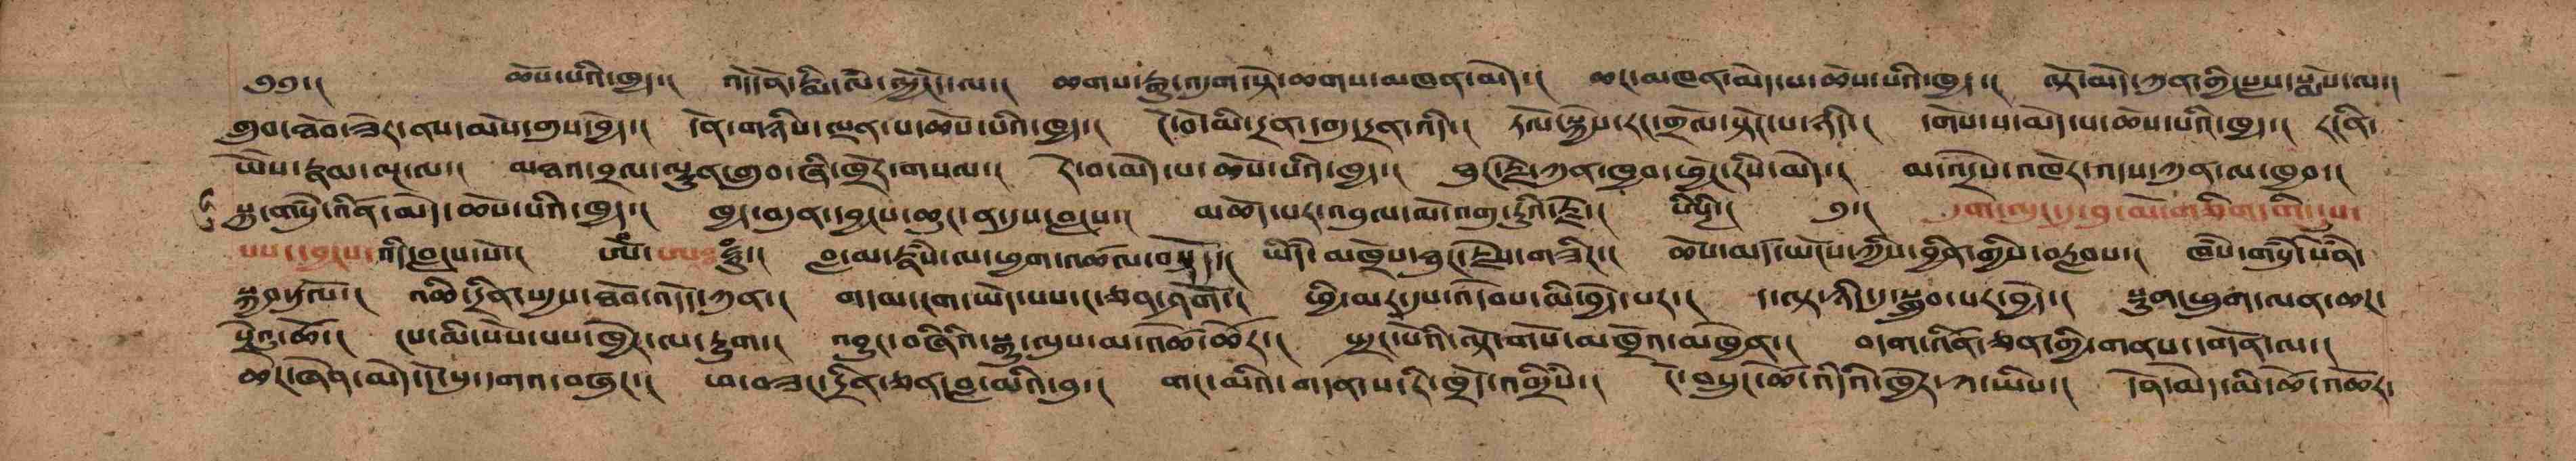༄༅།། ]ཆོས་པའི་ཁྱད།། འདོད་ཡོན་རྨི་ལམ་ལོངས་སྤྱོད་ལ།། ཆགས་རྒྱུ་འདུག་སྟེ་ཆགས་མཁན་མེད།། ཆགས་མཁན་མེད་པ་ཆོས་པའི་ཁྱད།། ལྟོ་མེད་ཀུན་གྱི་སླས་སྨོས་ལ།། 
གྲུབ་ཐོབ་ཟེར་ནས་མོས་གུས་བྱེད།། དོན་གཉིས་ལྡན་པ་ཆོས་པའི་ཁྱད།། ངོ་བོ་མི་དྲན་དགུ་དྲན་འདི།། ཏོལ་སྐྱེས་རང་གྲོལ་སྟོང་པ་ཉིད།། དགོས་པ་མེད་པ་ཆོས་པའི་ཁྱད།། རང་བཞིན་
ཡེ་ཤེས་རྣམ་ལྔ་ལ།། མཐའ་བྲལ་ལྷུན་གྲུབ་ཞི་ཁྲོར་གསལ།། རེ་བ་མེད་པ་ཆོས་པའི་ཁྱད།། ཐུགས་རྗེ་ཀུན་ཁྱབ་ཕྱོགས་རིས་མེད།། མ་འདྲེས་འཁོར་འདས་ཀུན་ལ་ཁྱབ།། 
སྐུ་གསུམ་འཛིན་མེད་ཆོས་པའི་ཁྱད།། ཁྱད་བདུན་དབྱངས་ཆུང་ན་དུས་བླངས།། མཆོད་པར་འབུལ་ལོ་འགུ་རུའི་རྗེ།། ཨིཊི།། ༄་། དུག་ལུང་དུ་བུ་མོ་གཅིག་གི་ངུས་
པས་དབྱངས་འདི་བླངས་སོ།། ཨོཾ་ཨཱཿཧཱུཾ།། བླ་མ་རྣམས་ལ་ཕྱག་འཚལ་བསྟོད།། ཡིད་དམ་མཁའ་འགྲོས་ཐུགས་རྗེས་གཟིགས།། ཆོས་མཛད་ཡོངས་ཀྱིས་བྱིན་གྱིས་རློབས།། ཁམས་གསུམ་སེམས་ཅན་
སྐྱབས་སུ་གསོལ།། འཆི་དྲིན་སངས་རྒྱས་ཐོབ་འདོད་ཀུན།། གདམ་ངག་ཡོད་པས་ང་ཅན་ཤོག། ཕྱི་མར་དུས་འདེབས་མི་བྱེད་པར།། ད་ལྟ་ཉིད་དུ་སྒྲུབ་པར་བྱེད།། སྡུག་ཕྲུག་ལན་ཆགས་
སྲེའུ་ཚོ།། ངས་མི་སོས་པས་ཁྱེར་ལ་རྒྱུག། འབྱུང་བཞིའི་སྒྱུ་ལུས་མ་འཚོ་ཚོར།། སྤྲང་པོའི་ལྟོ་གོས་མཁའ་འགྲོའ་མཁྱེན།། བདག་འཛིན་ཅན་གྱི་གནས་དགོན་ལ།། 
ཆགས་ཞེན་མེད་དོ་སུ་དགའ་བཞུགས།། ཕ་བཟང་དྲིན་ཅན་བླ་མའི་བུ།། གོང་མའི་གདན་ས་རི་ཁྲོད་འགྲིམས།། ངོ་བསྲུང་ཚེ་འདིའི་ཁྱེར་ཀ་ཡིས།། དོན་མེད་མི་ཚེ་འཆོར་